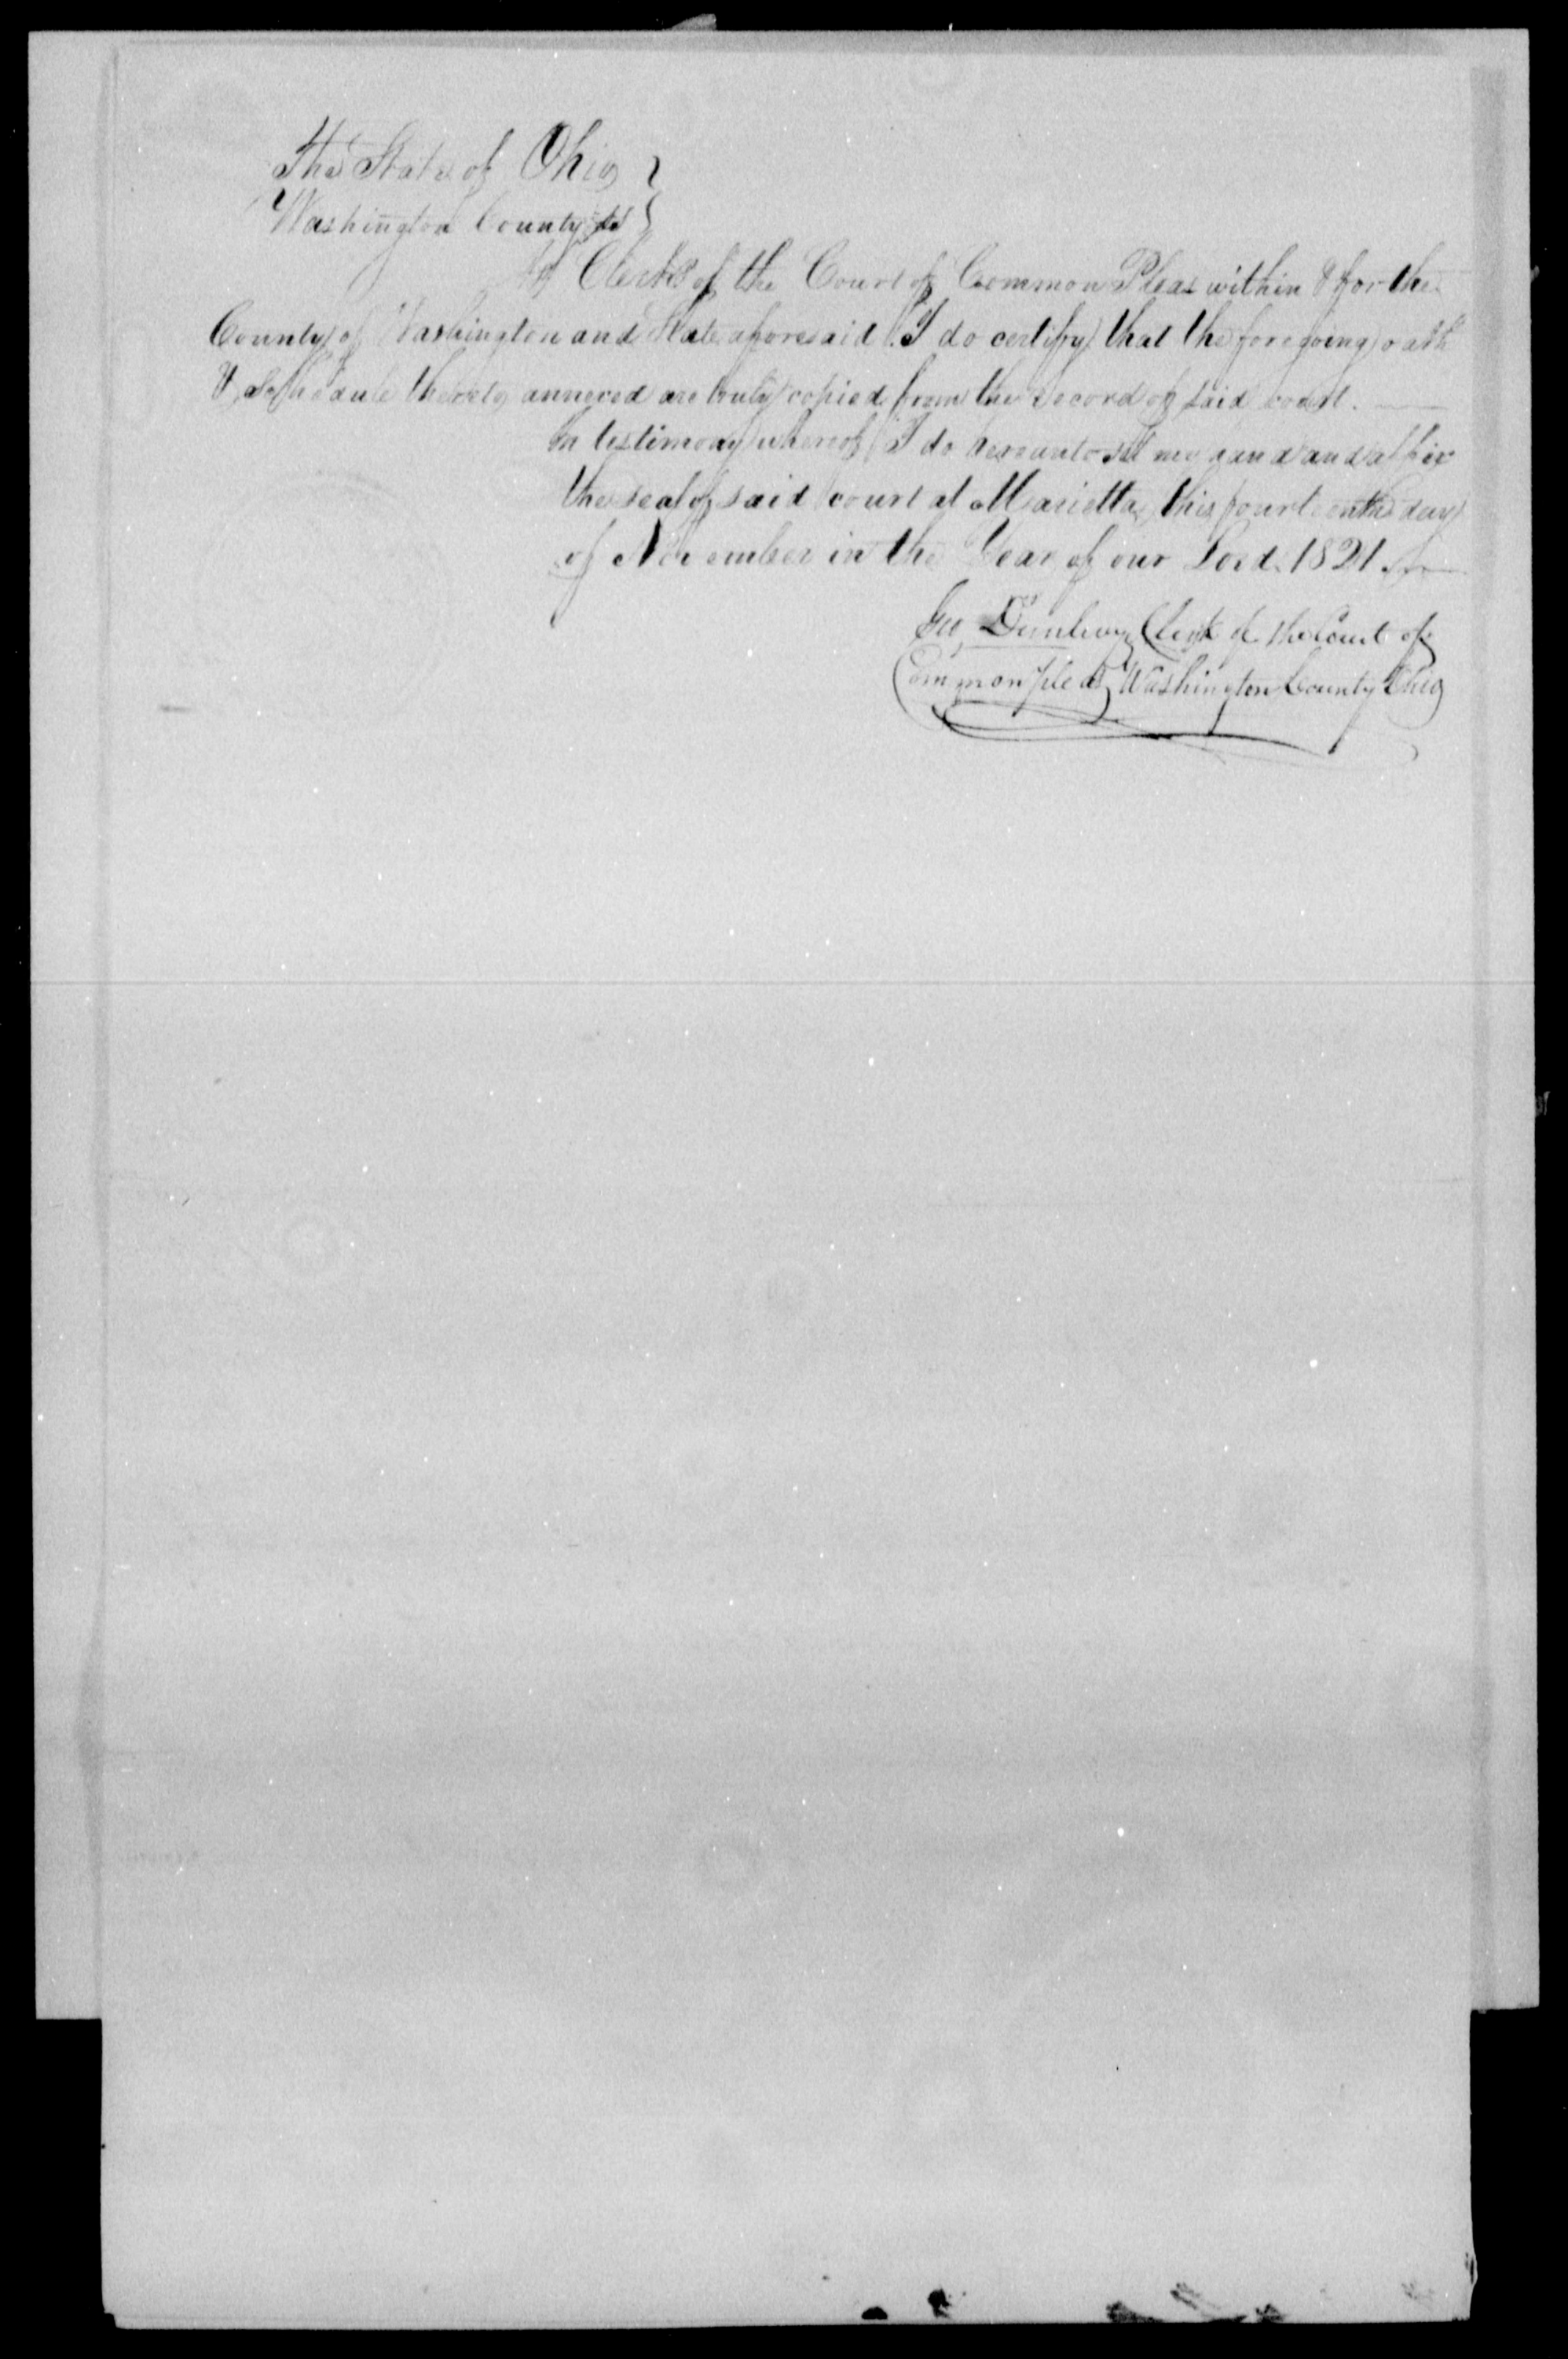The State of Ohio
Washington County
  Clerk of the court of Common Pleas within and for the County of Washington and State aforesaid.  I do certify that the foregoing oath and schedule thereto annexed are truly copied from the Record of said court.  In testimony whereof, I do hereunto set my hand and affix the seal of said court at Marietta, this fourteenth day of November in the Year of our Lord, 1821
  Geo Dunlevy  clerk of the Court of common plea Washington county Ohio 

[There is a seal on this page but all you can see is the circle indentation]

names: Geo Dunlevy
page: 5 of 20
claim: survivor's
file: S. 40,990, for John Mc Cush Robert Ray, Pennsylvania